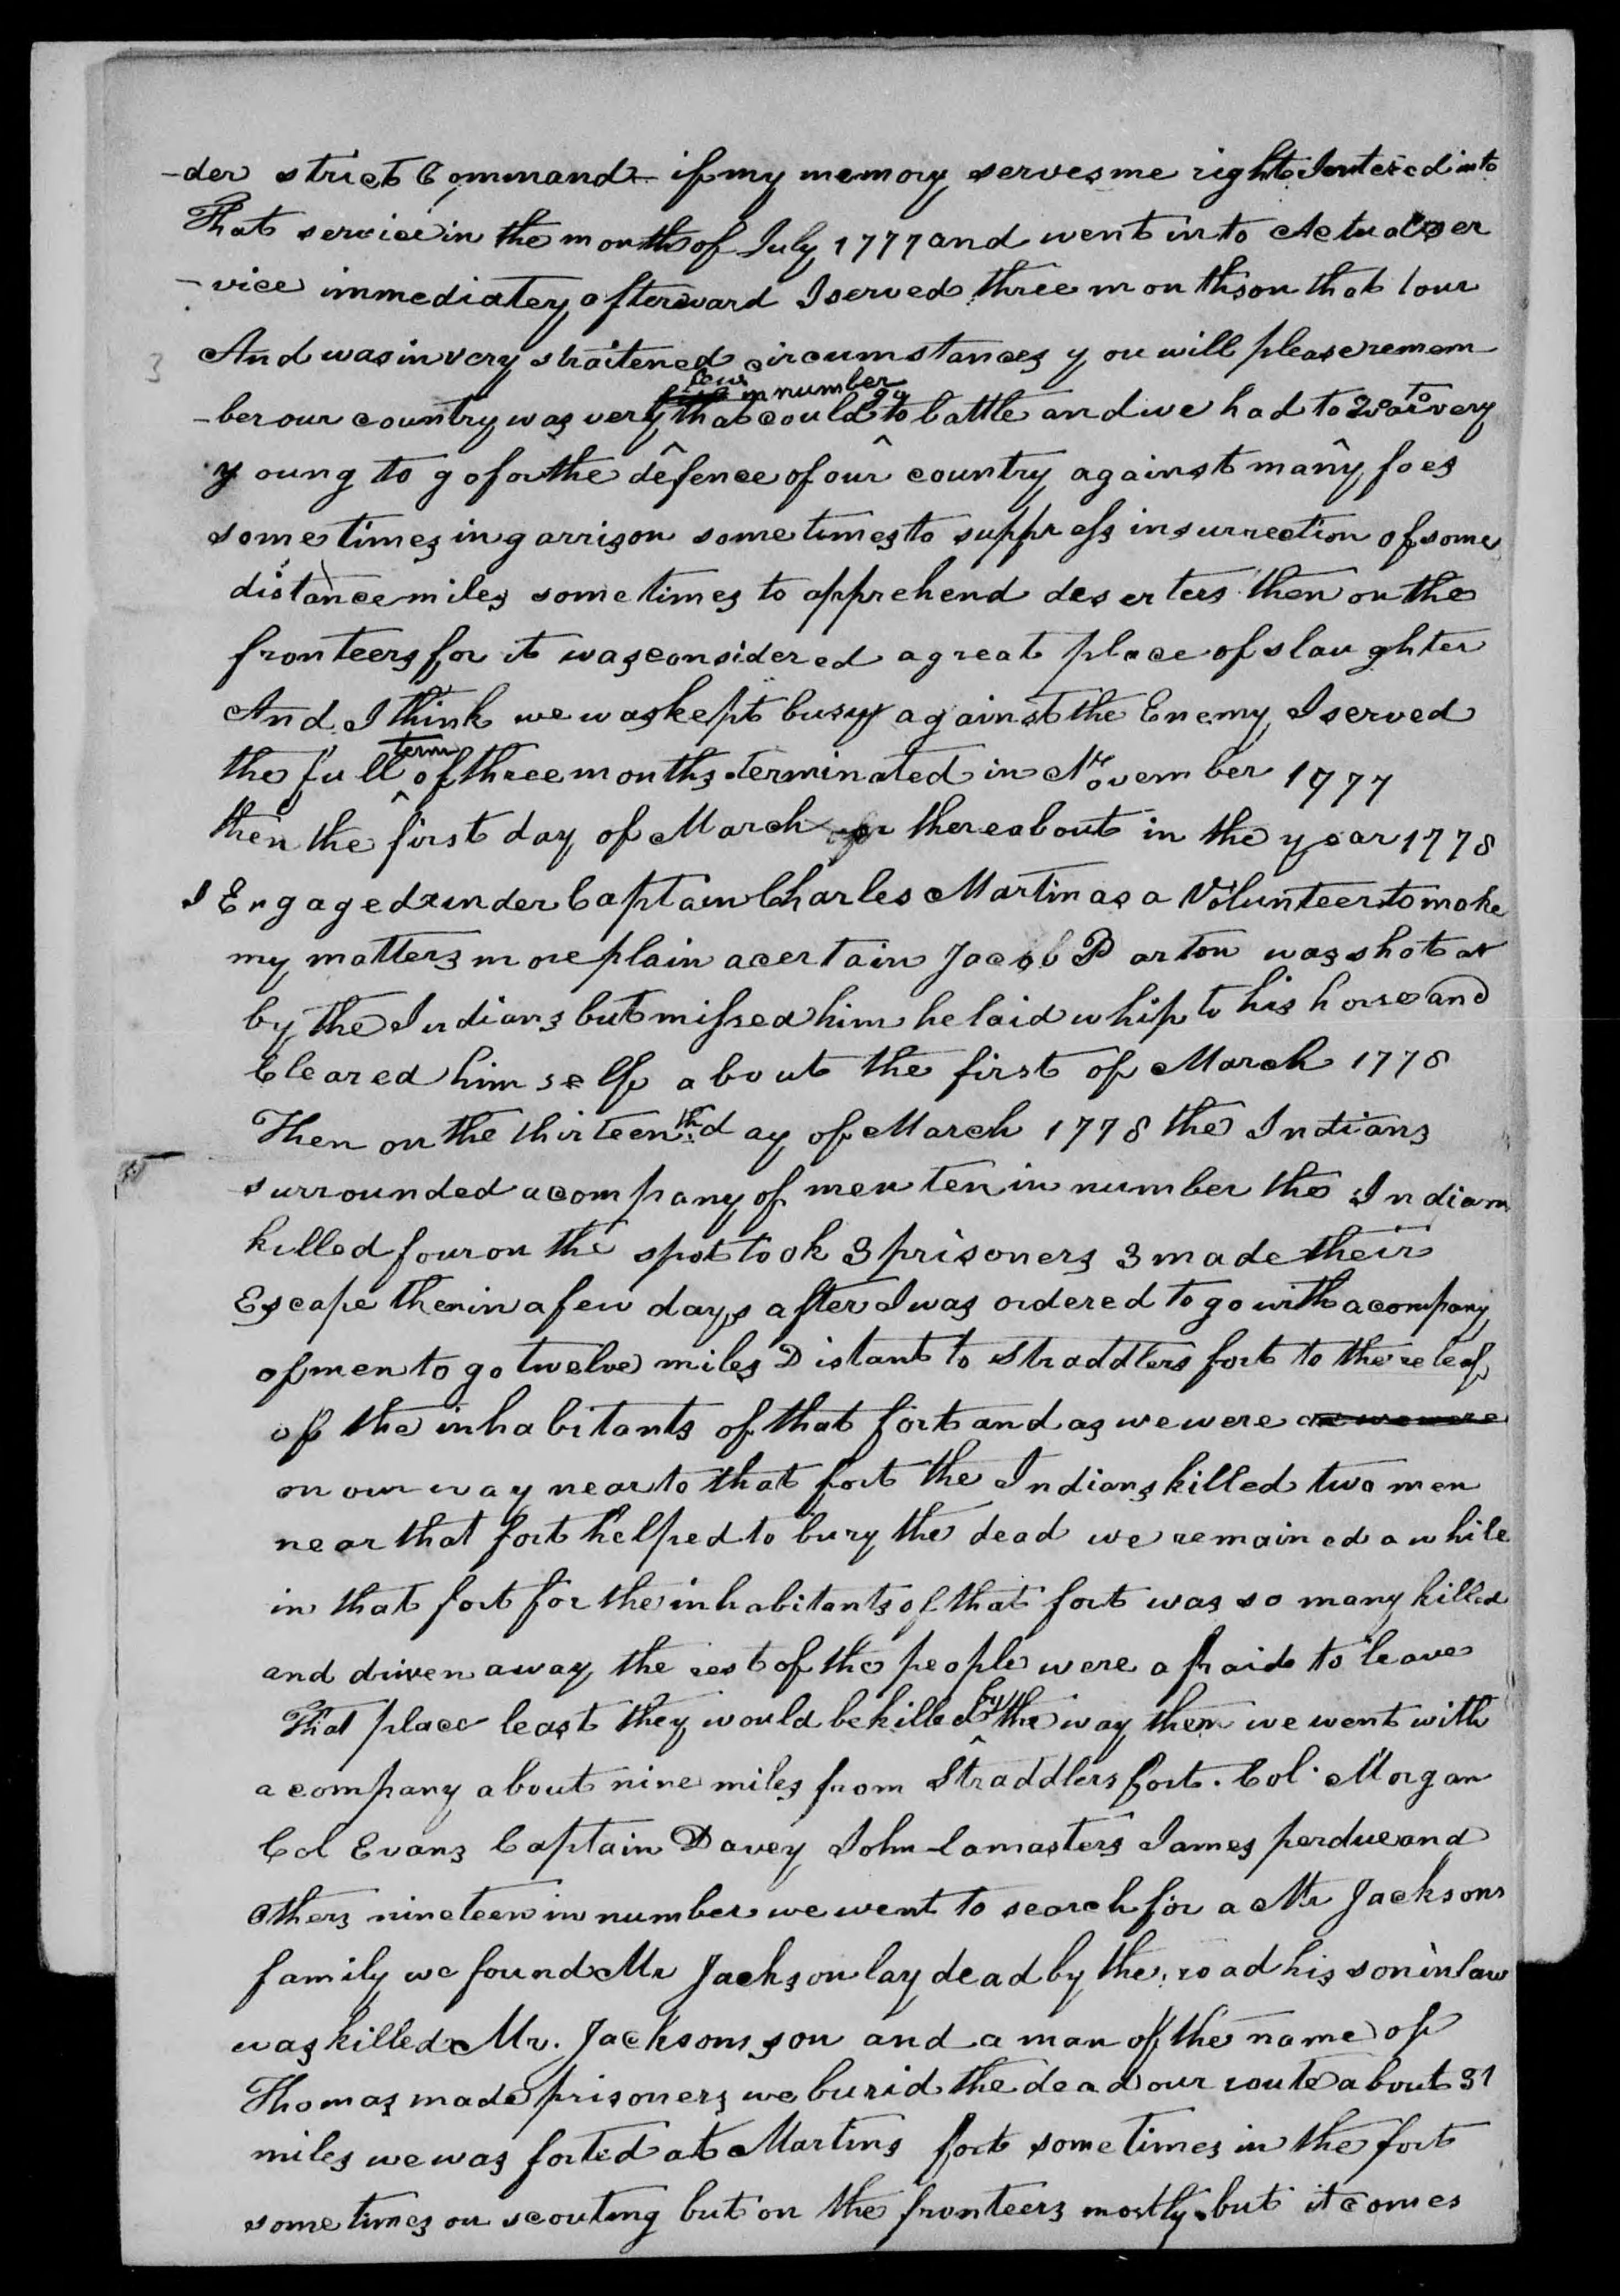-der strict Command if my memory serves me right I entered into That service the month of July 1777 and went into Active service immediately afterward I served three months on that tour and was in very straitened circumstances you will please remember our country was very that could cause a number to battle and we had to go to very young to go for the defence of our country against many foes sometimes in garrison sometimes to suppress insurrection of some distance miles sometimes to apprehend deserters then on the fronteers for it was considered a great place of slaughter And I think we was kept busey against the Enemy I served the full term of three months terminated in November 1777
the the first day of March or thereabout in the year 1778 I Engaged under Captain Charles Martin as a Volunteer to make my matters more plain ascertain Jacob Parton was shot at by the Indians but missed him he laid whip to his horse and cleared himself about the first of March 1778 
The on the thirteenth day of March 1778 the Indians surrounded a company of men ten in number the Indians killed four on the spot took 3 prisoners 3 made their escape then in a few days afterwards ordered to go with a company of men to go twelve miles Distant to Straddlers fort to the relief of the inhabitants of that fort and as we were on our way near to that fort the Indians killed two men near that fort helped to bury the dead we remained a while in that fort for the inhabitants of that fort was so many killed and drive away the rest of the people were afraid to leave
That place least they would be killed by the way there we went with a company about nine miles from Straddlers fort. Col. Morgan Col Evans Captain Davey John Cannasters James Perdue and others nineteen in number we went to search for a Mr Jacksons family we found Mr Jackson lay dead by the road his son in law was killed Mr. Jackson and a man of the name of  Thomas made prisoners we buried the dead our route about 31 miles we was forted at Martins fort some times in the fort sometimes on scouting but on the fronteers mostly but it comes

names: Charles Martin, Thomas, Jackson, Jackson, Morgan, John, Jackson, Jacob Parton, Evans, Davey, James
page: 31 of 33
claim: survivor's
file: S. 9587, William Holson, Va.